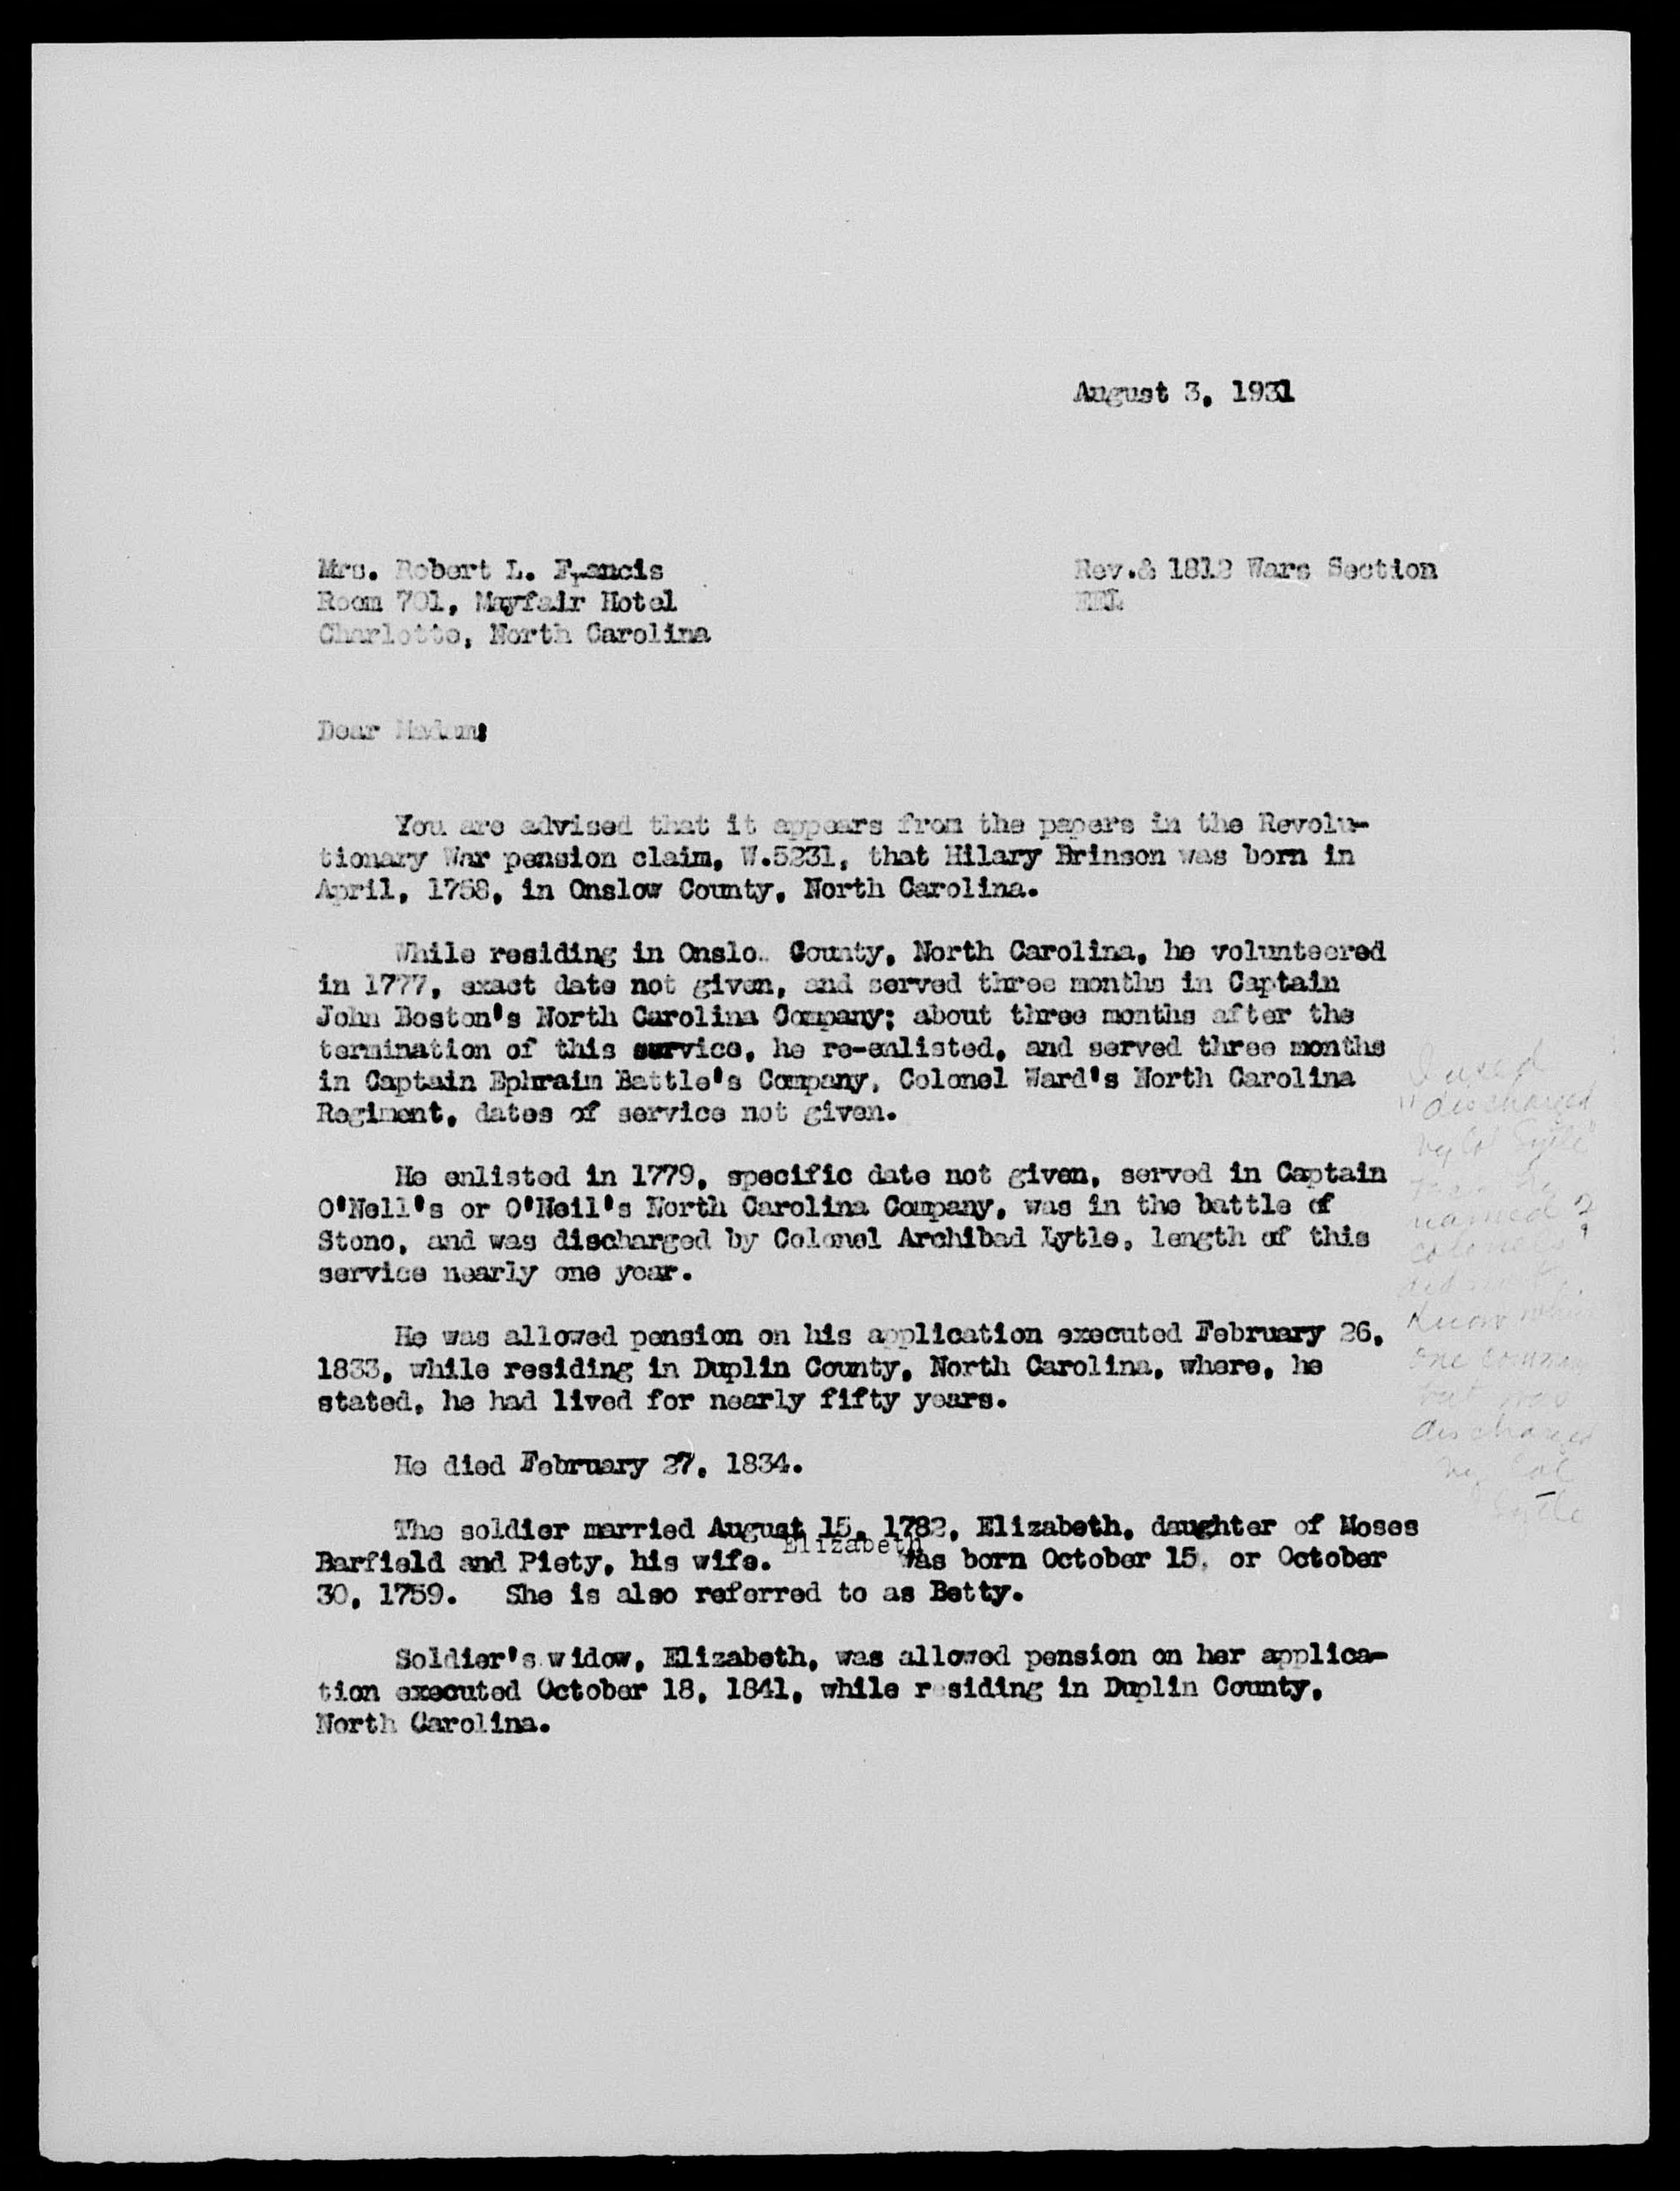August 3, 1931

Mrs. Robert L. Francis 
Room 701, Mayfair Hotel
Charlotte, North Carolina

Rev.& 1812 Wars Section
EEL

Dear Madam:

You are advised that it appears from the papers in the Revolutionary War pension claim, W.5231, that Hilary Brinson was born in April, 1758, in Onslow County, North Carolina.

While residing in Onslow County, North Carolina, he volunteered in 1777, exact date not given, and served three months in Captain John Boston's North Carolina Company; about three months after the termination of this service, he re-enlisted, and served three months in Captain Ephraim Battle's Company, Colonel Ward's North Carolina REgiment, dates of service not given.

He enlisted imn 1779, specific date not given, served in Captain O'Nell's or O'Neil's North Carolina Company, was in the battle of Stono, and was discharged by Colonel Archibald Lytle, length of this service nearly one year. 
[hand written in margin beside above paragraph] I used "discharged by Col Lytle" [illegible] he named 2 Colonels did [illegible] know which one [illegible] but was discharged by Col Lytle.

He was allowed pension on his application executed February 26, 1833, while residing in Duplin County, North Carolina, where, he stated, he had lived for nearly fifty years.

He died February 27, 1834.

The soldier married August 15, 1782, Elizabeth, daughter of Moses Barfield and Piety, his wife. Elizabeth was born October 15, or October 30, 1759. She is referred to as Betty.

Soldier's widow , Elizabeth, was allowed pension on her application executed October 18, 1841, while residing in Duplin County, North Carolina.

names: Robert L Francis, Piety, Moses Barfield, Betty, Hilary Brinson, Elizabeth, Archibad Lytle, Elizabeth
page: 37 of 38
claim: widow's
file: W. 5231, Hilary Brinson, N.C.